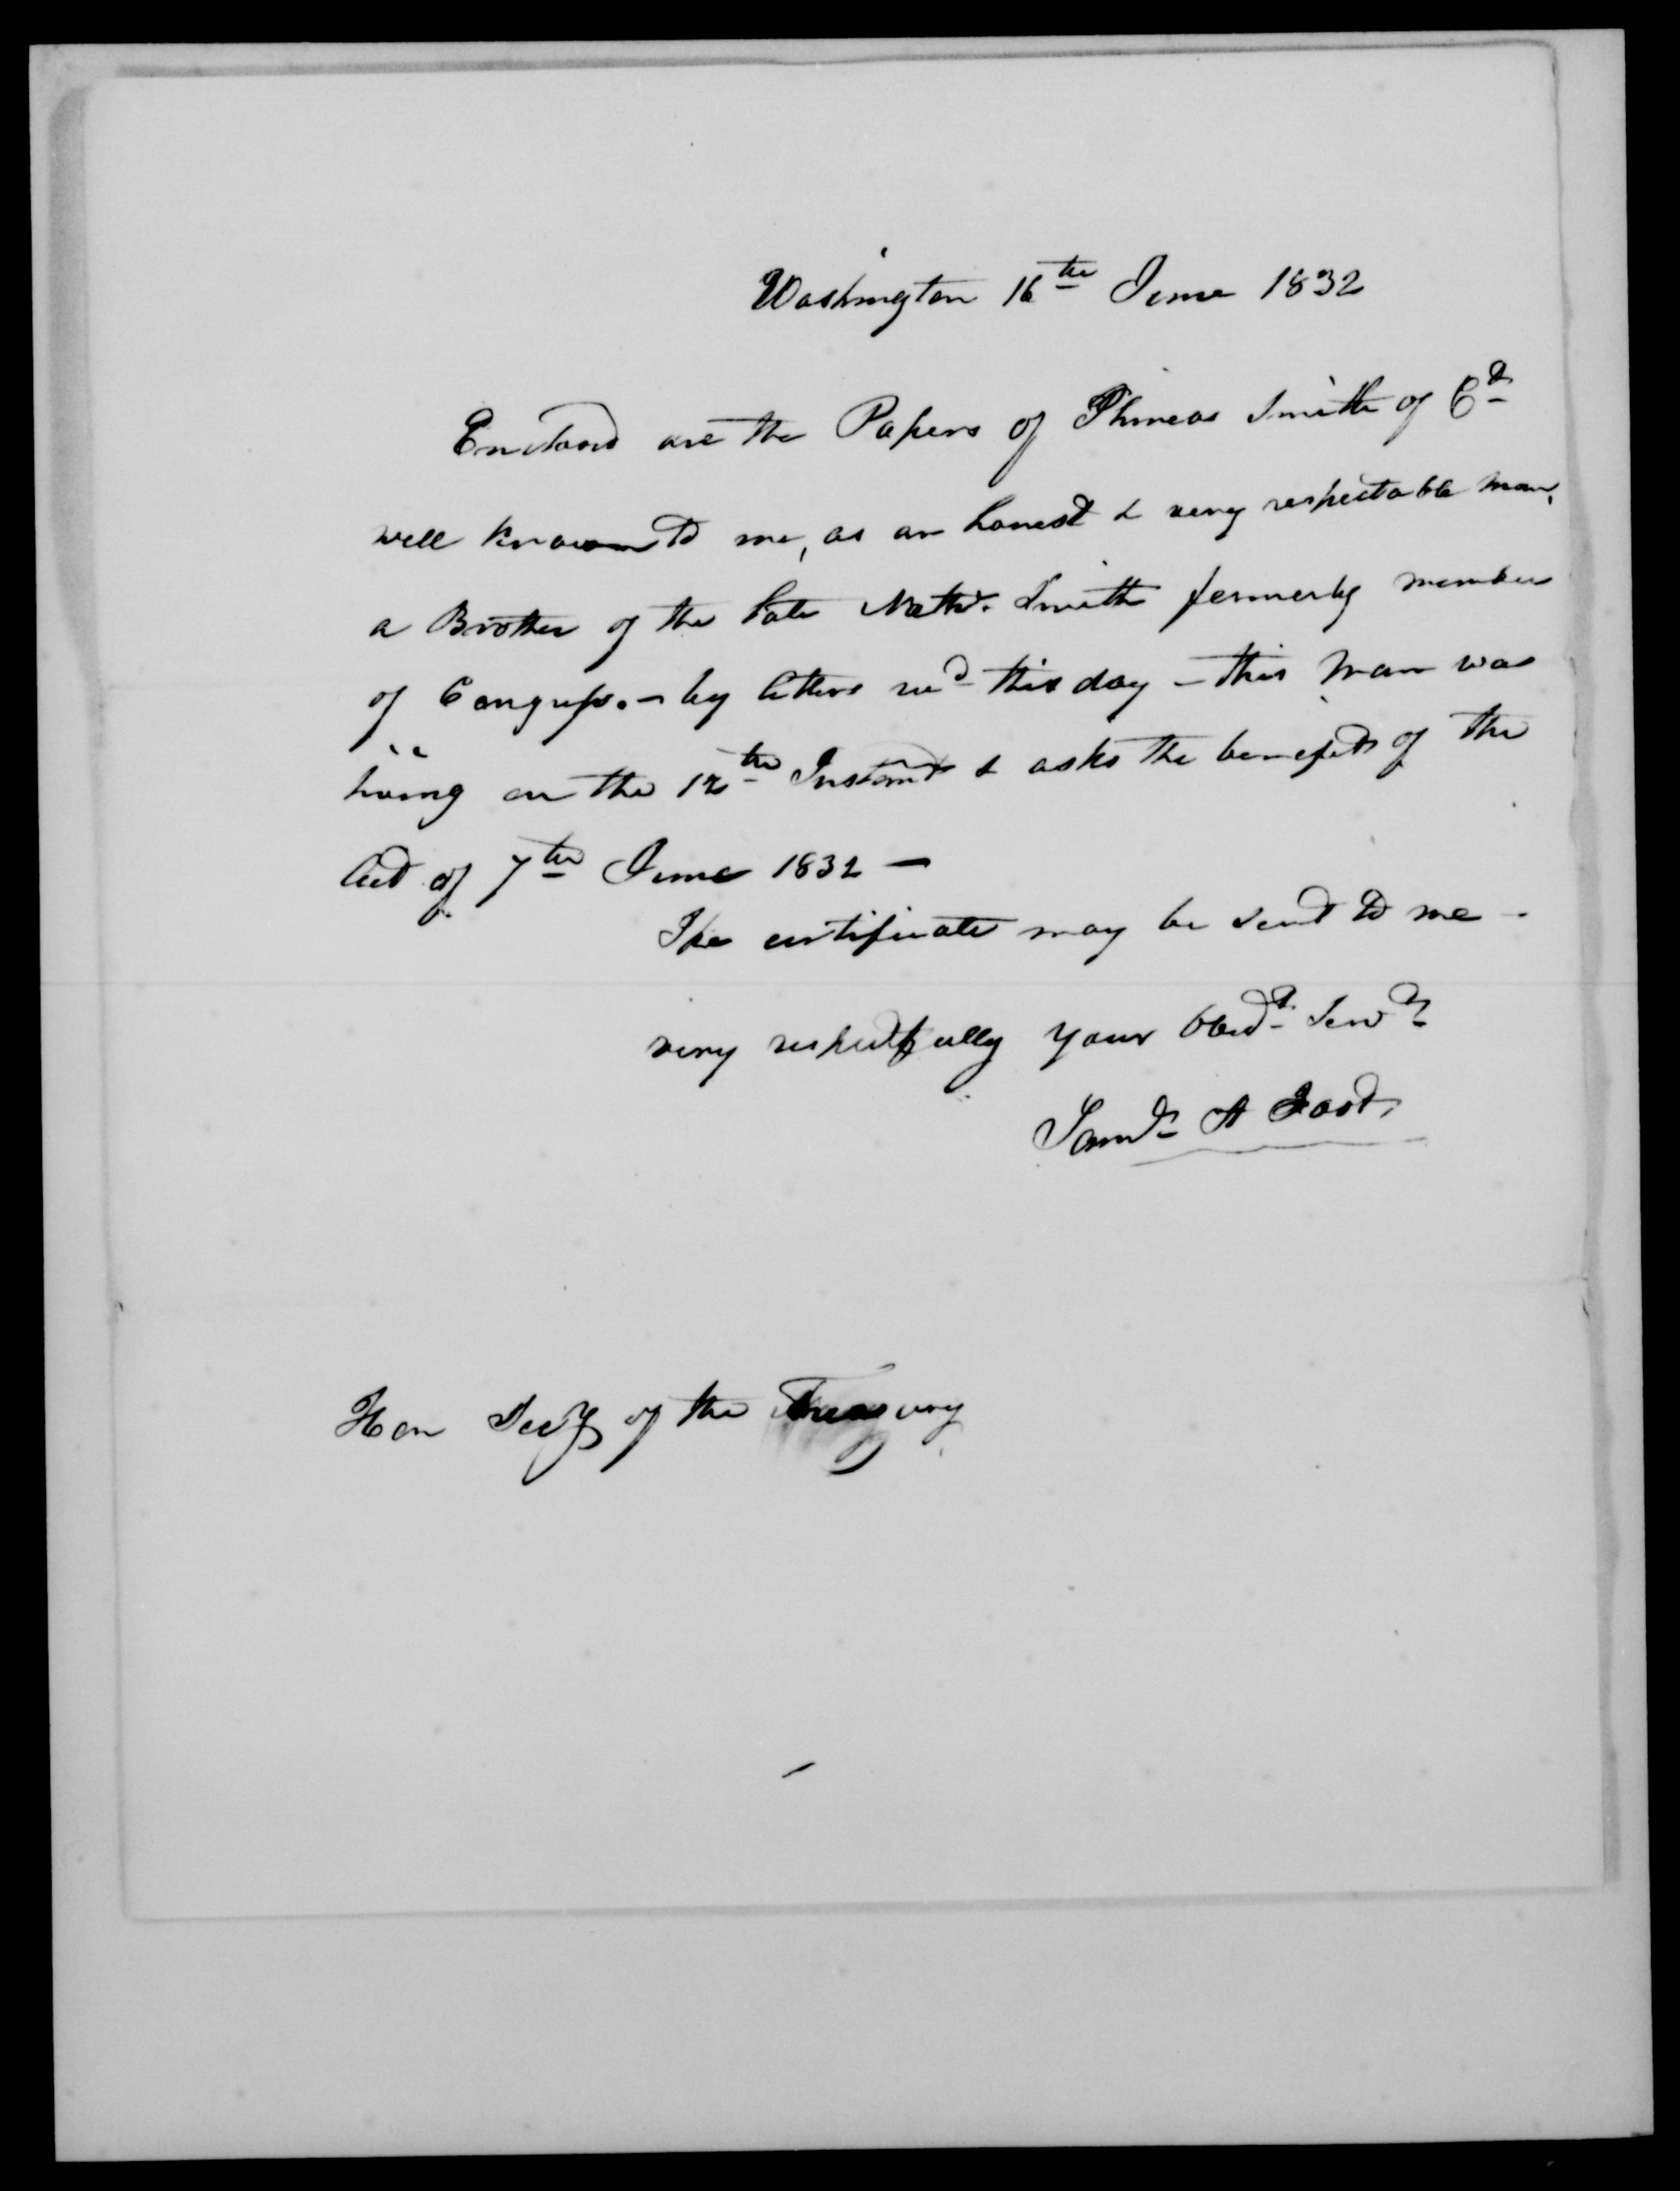Washington 16th June 1832 
Enclosed are the papers of Phineas Smith of Ct well known to me, as an honest & very respectable man,  Brother of the late Nathaniel Smith formerly member of Congress - by letters rec’d this day this man was living on the 12th Instant & asks the benefit of the Act of 7th June 1832.   
The certificate may be sent to me very respectfully your obed sevt 
Saml A Foot 
Hon Secty of the Treasury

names: Phineas Smith; Nathl Smith; Saml A Foot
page: 33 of 55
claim: widow's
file: W. 11480, for Phinehas Smith, Connecticut